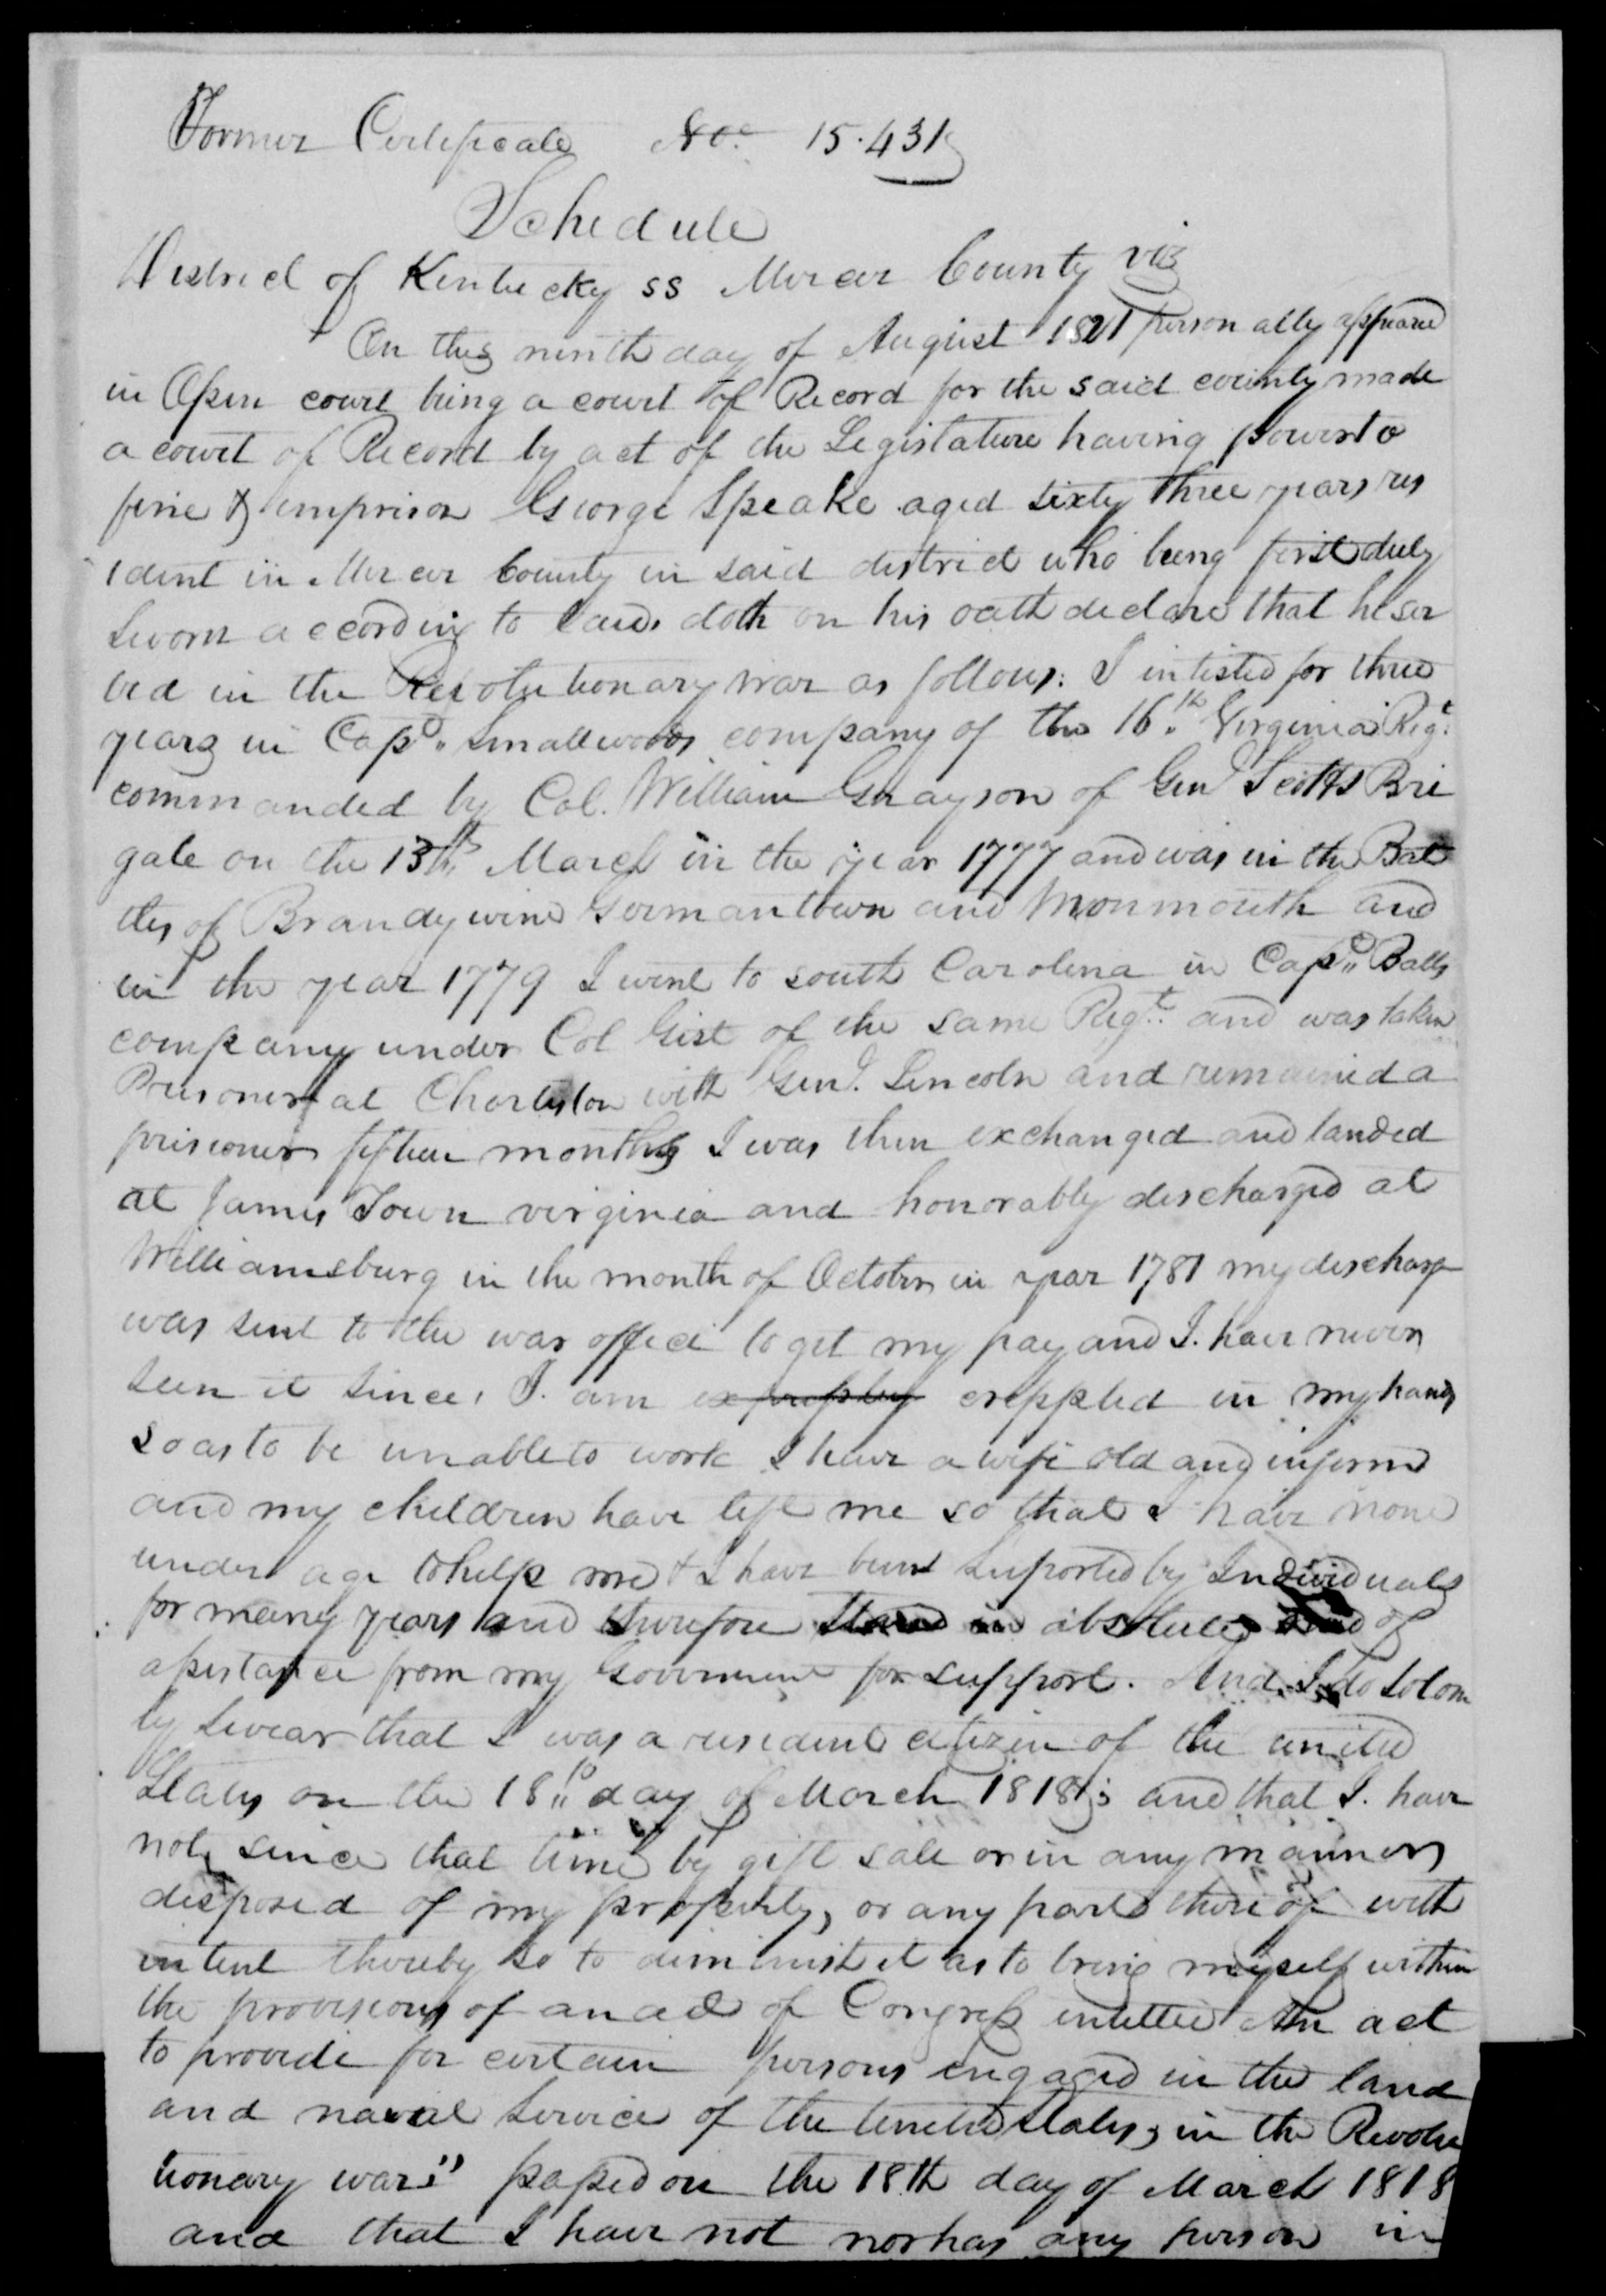Former Certificate No. 15.431

Schedule
District of Kentucky SS  Mercer County viz.

On this ninth day of August 1821 personally appeared in Open court being a court of Record for the said county made a court of Record by act of the Legislature having power to fine & imprison George Speake aged sixty three years resident in Mercer County in said district who being first duly sworn according to law, doth on his oath declare that he served in the Revolutionary war as follows: I inlisted for three  years in Capt. Smallwood company of the 16th Virginia Reg't. commanded by Col. William Grayson of Gen'l Leitts Brigade on the 13th March in the year 1777 and was in the Battles of Brandywine, Germantown and Monmouth and in the year 1779 I went to South Carolina in Cap't. Batts company under Col. Gist of the same Reg't and was taken Prisoner at Charleston with Gen'l Lincoln and remained a prisoner fifteen months. I was then exchanged and landed at James Town Virginia and honorably discharged at Williamsburg in the month of October in year 1781 my discharge was sent to the war office to get my pay and I have never seen it since. I am crippled in my hand so as to be unable to work. I have a wife old and infirm and my children have left me so that I have now under age whelps me & I have been supported by Individuals for many years and therefore stand in absolute need of a pension from my Government for support. And I do solomnly swear that I was a resident citizen of the United States on the 18th day of March 1818 and that I have not since that time by gift, sale or in any manner disposed of my property, or any parts thereof with intent thereby so to diminish it as to bring myself within the provisions of an act of Congress entitled the Act to provide for certain persons engaged in the land and naval Service of the United States, in the Revolutionary war" passed on the 18th day of March 1818 and that I have not nor has any person in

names: [BLANK] Gist; William Grayson; [BLANK] Lincoln; George Speake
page: 4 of 15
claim: survivor's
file: S. 37,435, for George Speak, Virginia